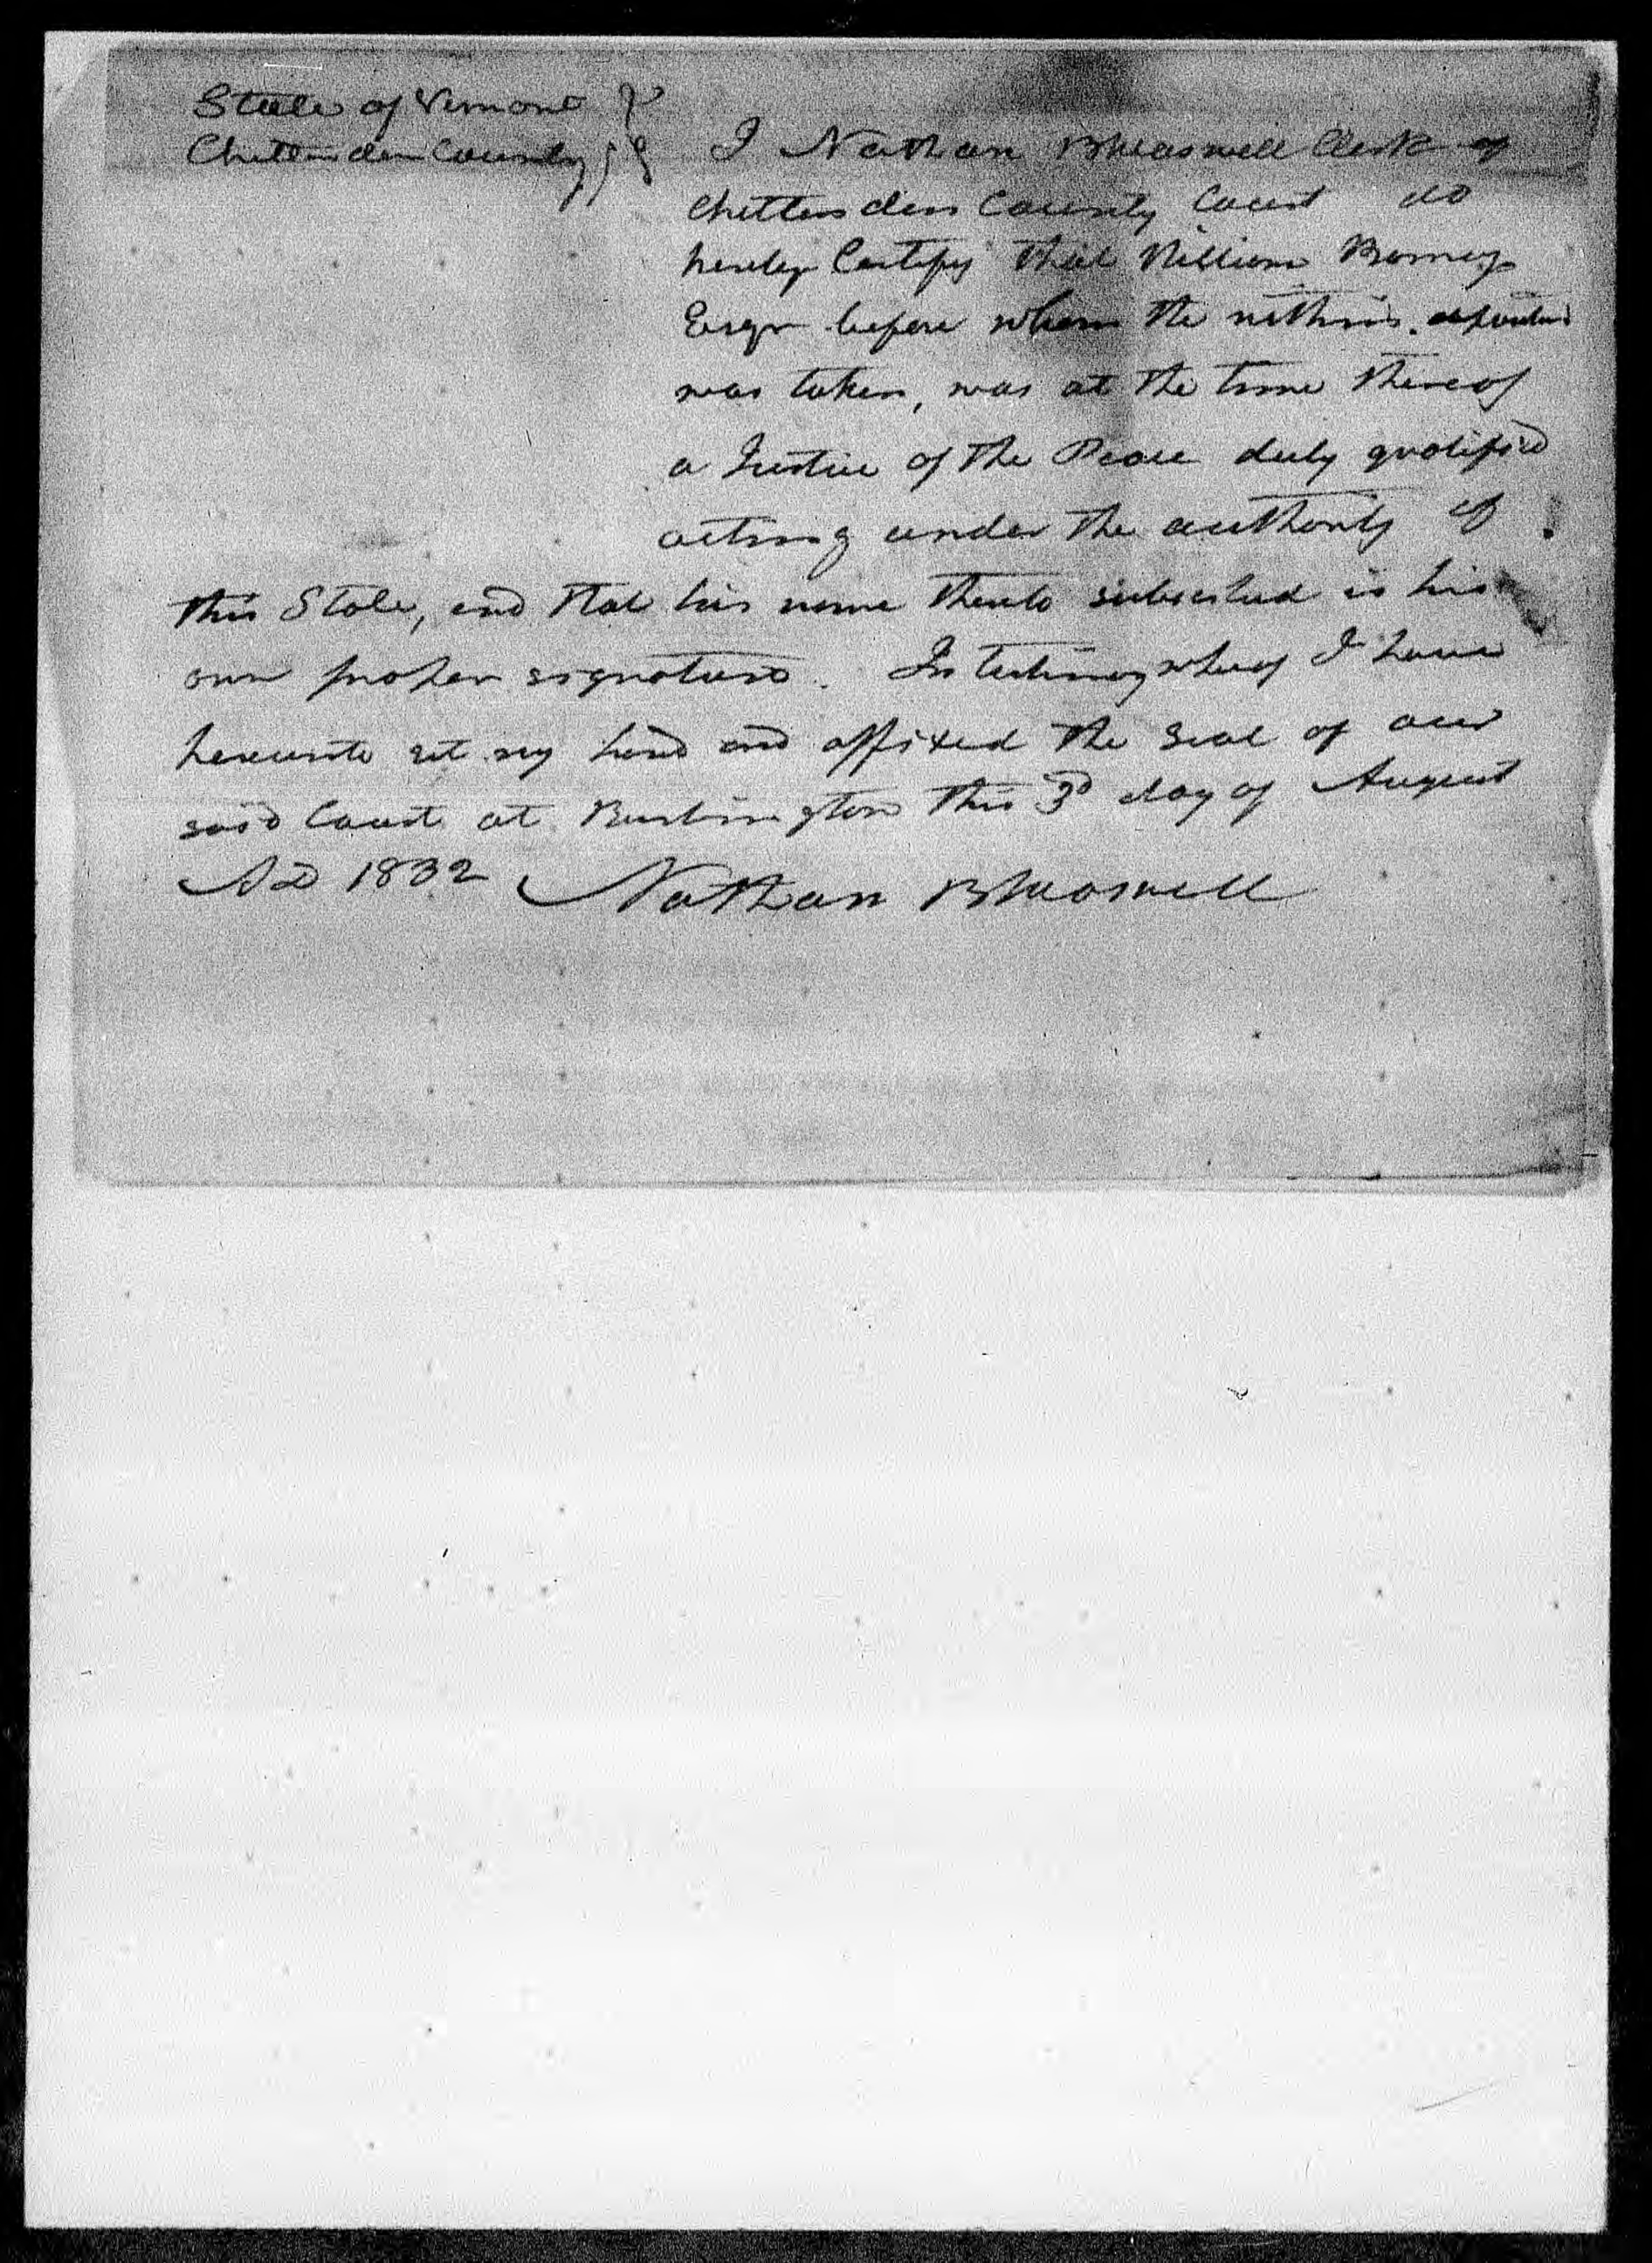State of Vermont
Chittenden County Ss
I, Nathan B. Maswell  Clerk of Chittenden County Court
Do hereby certify
that William Barney
Esquire before whom the within deposition 
was taken was at the time thereof
a Justice of the Peace duly qualified
acting under the authority of
this State, and that his name thereto subscribed is his
own proper signature
In testimony whereof I have
hereunto set my hand and affixed the seal of aforesaid Court at Burlington this 3d day of August
AD 1832 
Nathan B Maswell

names: Nathan B Maswell, William Barney, Nathan B Maswell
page: 24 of 24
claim: survivor's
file: S. 15869, Chauncey Graves, Vt.